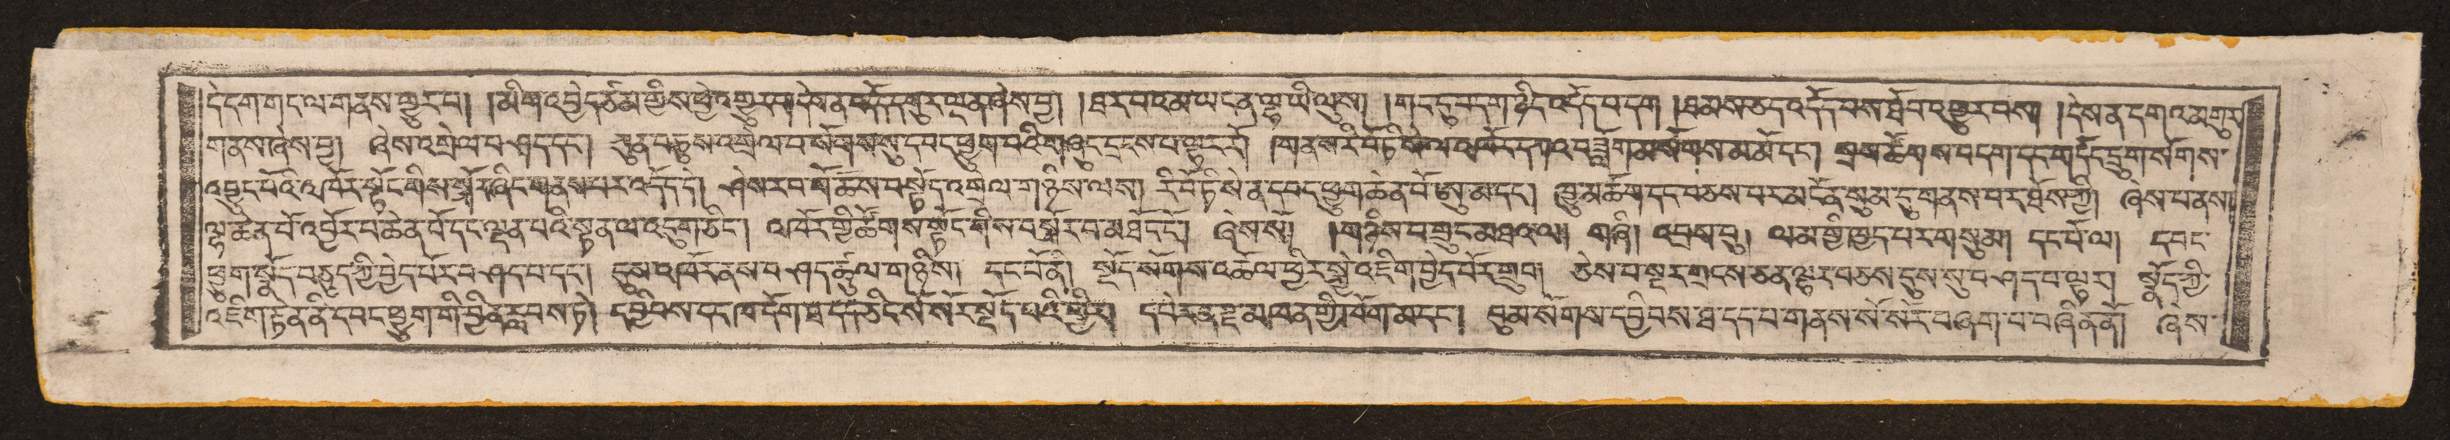དེ་དག་གང་ལ་གནས་གྱུར་པ། །མིག་འབྱེད་ཙམ་གྱིས་ཕྱེ་འགྱུར་གདེས་ན་འདོད་དགུར་ལྡན་ཞེས་བྱ། །ཐར་བ་འམ་ཡང་ན་ལྷ་ཡི་ལུས། །གང་དུ་བདག་ཉིད་འདོད་པ་དག །ཐམས་ཅད་འདོད་པས་ཐོབ་འགྱུར་བས། །དེས་ན་དགའ་མགུར་
གནས་ཞེས་བྱ། ཞེས་འགྲེལ་བཤད་དང་། ཀུན་བཏུས་འགྲེལ་པ་སོགས་སུ་དབང་ཕྱུག་པའི་གཞུང་དྲངས་པ་ལྟར་རོ། །གནས་རི་བོ་ཏི་སེ་ལ་འཁོར་དཀའ་བཟློག་མ་སོགས་མ་མོ་དང་། སྲས་ཚོགས་བདག་དང་གདོང་དྲུག་སོགས་
འབྱུང་པོའི་འཁོར་སྟོང་གིས་སྐོར་ཞིང་གནས་པར་འདོད་དེ། ཤེས་རབ་གོ་ཆས་བསྟོང་འགྲེལ་གཉིས་ལས། རི་བོ་ཏི་སེ་ན་དབང་ཕྱུག་ཆེན་པོ་ཨུ་མ་དང་། ཁྱུ་མཆོག་དང་བཅས་པར་མངོན་སུམ་དུ་གནས་པར་ཐོས་ཀྱི། ཞེས་པ་ནས་
ལྷ་ཆེན་པོ་འབྱོར་བ་ཆེན་པོ་དང་ལྡན་པའི་སྟན་ལ་འདུག་ཅིང་། འཁོར་གྱི་ཆོགས་སྟོང་གིས་བསྐོར་བ་མཐོང་ངོ། ཞེས་སོ། །གཉིས་པ་གྲུབ་མཐའ་ལ། གཞི། འབྲས་བུ། ལམ་གྱི་ཁྱད་པར་གསུམ། དང་པོ་ལ། དབང་
ཕྱུག་སྣོད་བཅུད་ཀྱི་བྱེད་པར་བཤད་པ་དང་། དུས་འཁོར་ནས་བཤད་ཚུལ་གཉིས། དང་པོ་ནི། སྡོད་སོགས་འཆོལ་ཕྱིར་སྐྱེ་འཇིག་བྱེད་པོར་གྲུབ། ཅེས་པ་སྔར་གྲངས་ཅན་ལྟར་བཅས་དུས་སུ་བཤད་པ་ལྟར། སྣོད་ཀྱི་
འཇིག་རྟེན་ནི་དབང་ཕྱུག་གི་བྱིན་རླབས་ཏེ། དབྱིབས་དང་ཁ་དོག་ཐ་དད་ཅིང་སོ་སོར་སྡོད་པའི་ཕྱིར། དཔེར་ན་རྫ་མཁན་གྱི་ཁོག་མ་དང་། བུམ་སོགས་དབྱིབས་ཐ་དད་པ་གནས་སོ་སོར་བཞག་པ་བཞིན་ནོ། ཞེས་